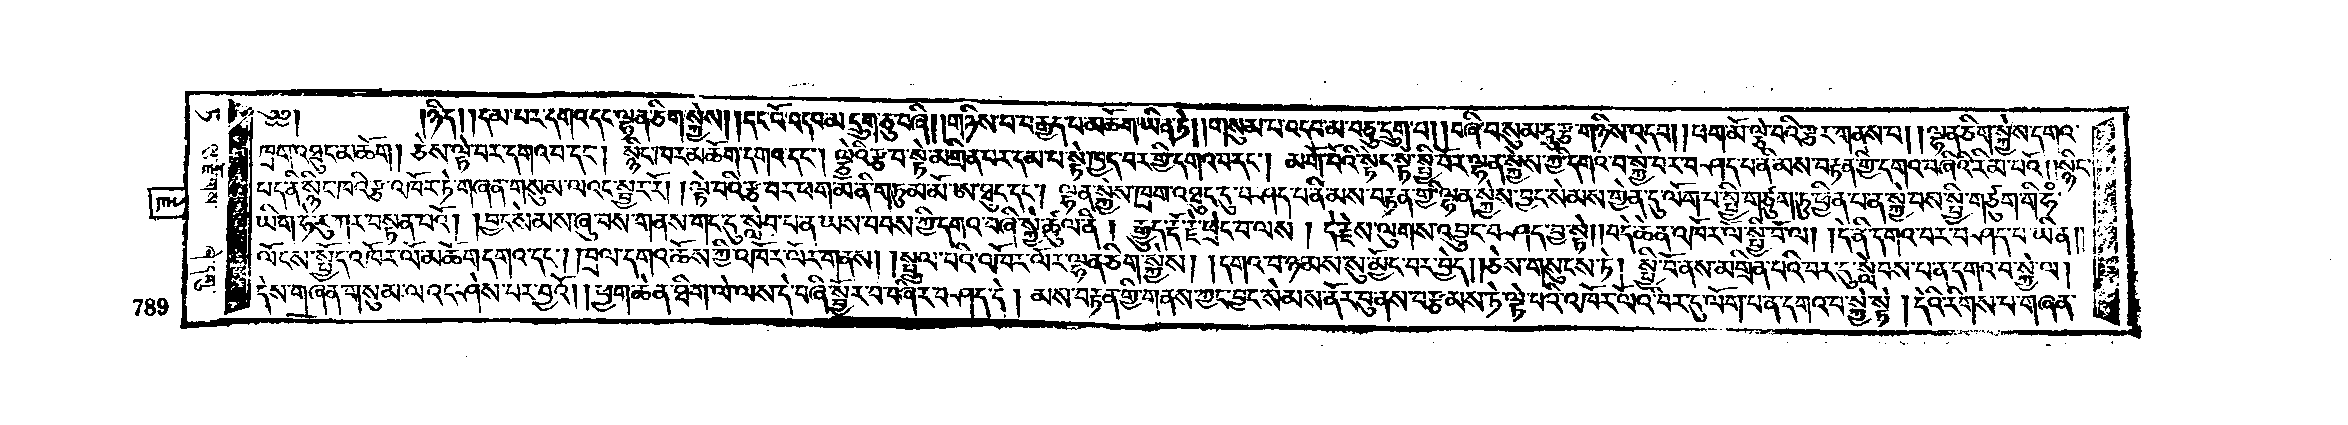༄༅། །ཉིད། །དམ་པར་དགའ་དང་ལྷན་ཅིག་སྐྱེས། །དང་པོ་འདབ་མ་དྲུག་ཅུ་བཞི། །གཉིས་པ་བརྒྱད་པ་མཆོག་ཡིན་ཏེ། །གསུམ་པ་འདབ་མ་བཅུ་དྲུག་པ། །བཞི་པ་སུམ་ཅུ་རྩ་གཉིས་འདབ། །ཕག་མོ་ལྟེ་བའི་རྩར་གནས་པ། །ལྷན་ཅིག་སྐྱེས་དགའ་
ཁྲག་འཐུང་མཆོག། ཅེས་ལྟེ་བར་དགའ་བ་དང་། སྙིང་ཁར་མཆོག་དགའ་དང་། ལྕེའི་རྩ་བ་སྟེ་མགྲིན་པར་དམ་པ་སྟེ་ཁྱད་པར་གྱི་དགའ་བ་དང་། མགོ་བོའི་སྟེང་སྟེ་སྤྱི་བོར་ལྷན་སྐྱེས་ཀྱི་དགའ་བ་སྐྱེ་བར་བཤད་པ་ནི་མས་བརྟན་གྱི་དགའ་བཞིའི་རིམ་པའོ། །སྙིང་
པད་ནི་སྙིང་ཁའི་རྩ་འཁོར་ཏེ་གཞན་གསུམ་ལའང་སྦྱར་རོ། །ལྟེ་བའི་རྩ་བར་ཕག་མོ་ནི་གཏུམ་མོ་ཨ་ཐུང་དང་། ལྷན་སྐྱེས་ཁྲག་འཐུང་དུ་བཤད་པ་ནི་མས་བརྟན་གྱི་ལྷན་སྐྱེས་བྱང་སེམས་གྱེན་དུ་ལོག་པ་སྤྱི་གཙུག་ཏུ་ཕྱིན་པ་ན་སྐྱེ་བས་སྤྱི་གཙུག་གི་ཧཾ་
ཡིག་ཧེ་རུ་ཀར་བསྟན་པའོ། །བྱང་སེམས་ཞུ་བས་གནས་གང་དུ་སླེབ་པ་ན་ཡས་བབས་ཀྱི་དགའ་བཞི་སྐྱེ་ཚུལ་ནི། རྒྱུད་རྡོ་རྗེ་ཕྲེང་བ་ལས། དེ་རྗེས་ལུགས་འབྱུང་བཤད་བྱ་སྟེ། །བདེ་ཆེན་འཁོར་ལོ་སྤྱི་བོ་ལ། །དེ་ནི་དགའ་བར་བཤད་པ་ཡིན། །
ལོངས་སྤྱོད་འཁོར་ལོ་མཆོག་དགའ་དང་། །བྲལ་དགའ་ཆོས་ཀྱི་འཁོར་ལོར་གནས། །སྤྲུལ་པའི་འཁོར་ལོར་ལྷན་ཅིག་སྐྱེས། །དགའ་བ་ཉམས་སུ་མྱོང་བར་བྱེད། །ཅེས་གསུངས་ཏེ། སྤྱི་བོ་ནས་མགྲིན་པའི་བར་དུ་སླེབས་པ་ན་དགའ་བ་སྐྱེ་ལ།
དེས་གཞན་གསུམ་ལའང་ཤེས་པར་བྱའོ། །ཕྱག་ཆེན་ཐིག་ལེ་ལས་དེ་བཞི་སྦྱོར་བ་བཞིར་བཤད་དེ། མས་བརྟན་གྱི་གནས་ཀྱང་བྱང་སེམས་ནོར་བུ་ནས་བརྩམས་ཏེ་ལྟེ་བའི་འཁོར་ལོའི་བར་དུ་ལོག་པ་ན་དགའ་བ་སྐྱེ་སྟེ། དེའི་རིགས་པ་གཞན་